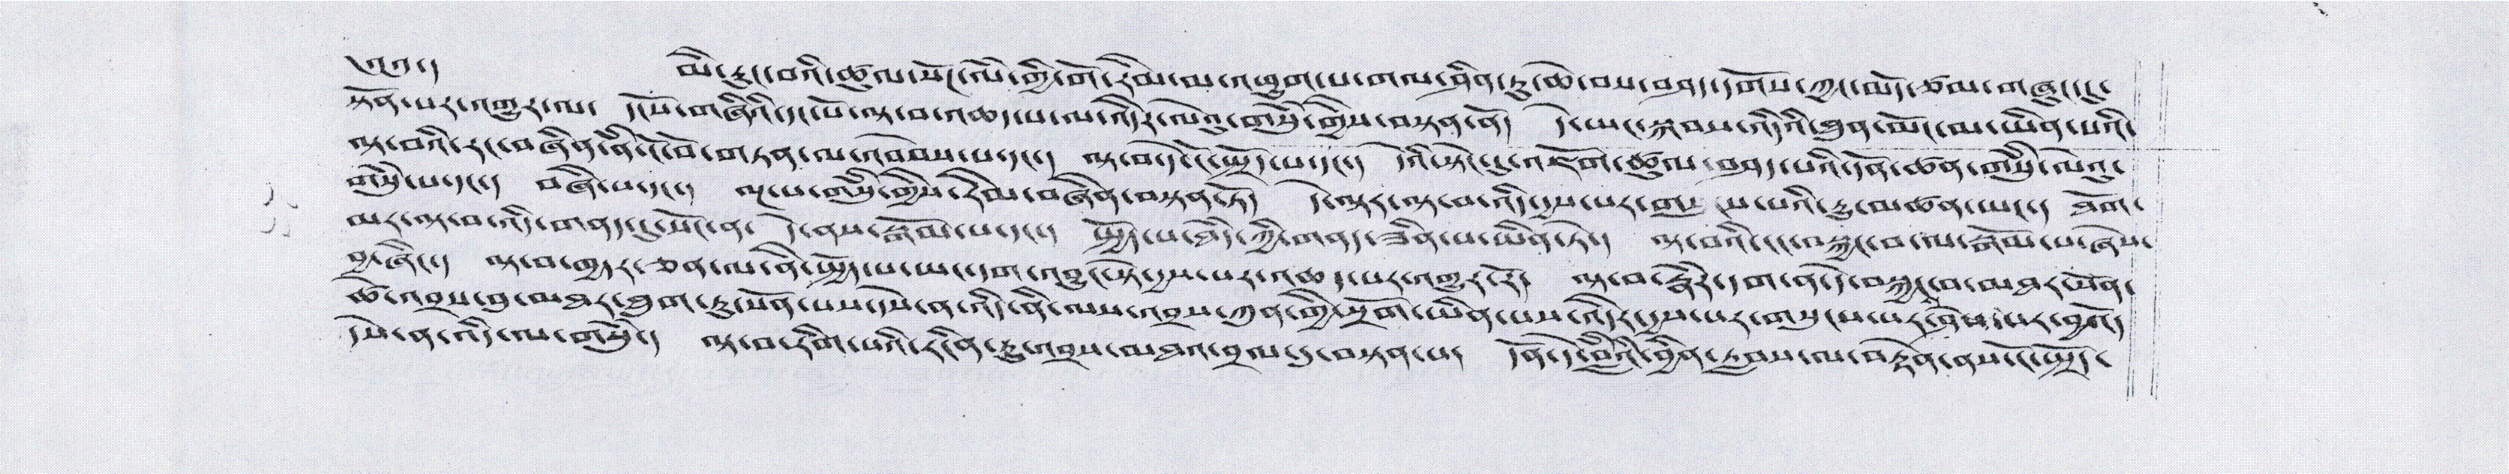མི་རུང་བའི་ཚུལ་སོགས་ལམ་གྱི་གོ་རིམ་མ་འཕྱུགས་པ་གལ་ཤིན་ཏུ་ཆེ་བས་བཤད་དགོས་ཀྱང་མདོ་ཙམ་གཞུང་དུ་
སྟོན་པར་འགྱུར་ལ། དངོས་གཞིའི་དང་པོ་ལྟ་བ་འཆད་པ་ལ་འདིར་ལེའུ་གསུམ་གྱིས་བསྟན་ནོ། དེ་ཡང་སྐབས་འདིའི་ཐུན་མོང་མ་ཡིན་པའི་
ལྟ་བའི་རང་བཞིན་ནི་ངོ་བོ་གཏན་ལ་འབེབས་པ་དང་། ལྟ་བ་དེ་ངོ་སྤྲོད་པ་དང་། དེའི་སྟེང་དུ་འཇོག་ཚུལ་བཤད་པའི་དོན་ཚན་གསུམ་ལེའུ་
གསུམ་པ་དང་། བཞི་པ་དང་། ལྔ་པ་གསུམ་གྱིས་རིམ་བཞིན་བསྟན་ཏོ། དེ་ལྟར་ལྟ་བ་འདི་རྒྱས་པར་གསུངས་པའི་རྒྱུ་མཚན་ཡང་། ཐོག་
མར་ལྟ་བ་འདི་གནད་དུ་སོང་ན་དེ་ནས་སྒོམ་པ་དང་སྤྱོད་པ་ཐམས་ཅད་གནད་ཟིན་པ་ཡིན་ཏེ། ལྟ་བའི་ངང་སྐྱོང་བ་ལ་སྒོམ་པ་ཞེས་
བྱ་ཞིང་ལྟ་བ་ཁྱད་པར་ཅན་ལ་ནི་སྤྱོད་པ་ཡང་དག་འབྱུང་སྟེ་རྒྱས་པར་འཆད་པར་འགྱུར་རོ། ལྟ་བ་རྣམ་པར་དག་ན་དེ་བསྐྱང་བ་མཐར་སོན་
ཚེ་འབྲས་བུ་མཐར་ཐུག་ཏུ་སོན་པས་དེས་ན་འདི་ནི་ལས་འབྲས་ཀུན་གྱི་སྲོག་ཡིན་པས་འདིར་རྒྱས་པར་གསུངས་པར་ཤེས་པར་བྱའོ། 
དེས་ན་འདི་ལ་གསུམ། ལྟ་བ་རིག་པའི་རང་བཞིན་རྒྱུ་འབྲས་མཐའ་བྲལ་དུ་བསྟན་པ། དོན་དེ་བླ་མའི་བྱིན་རླབས་ལ་བརྟེན་ནས་ངོ་སྤྲོད་